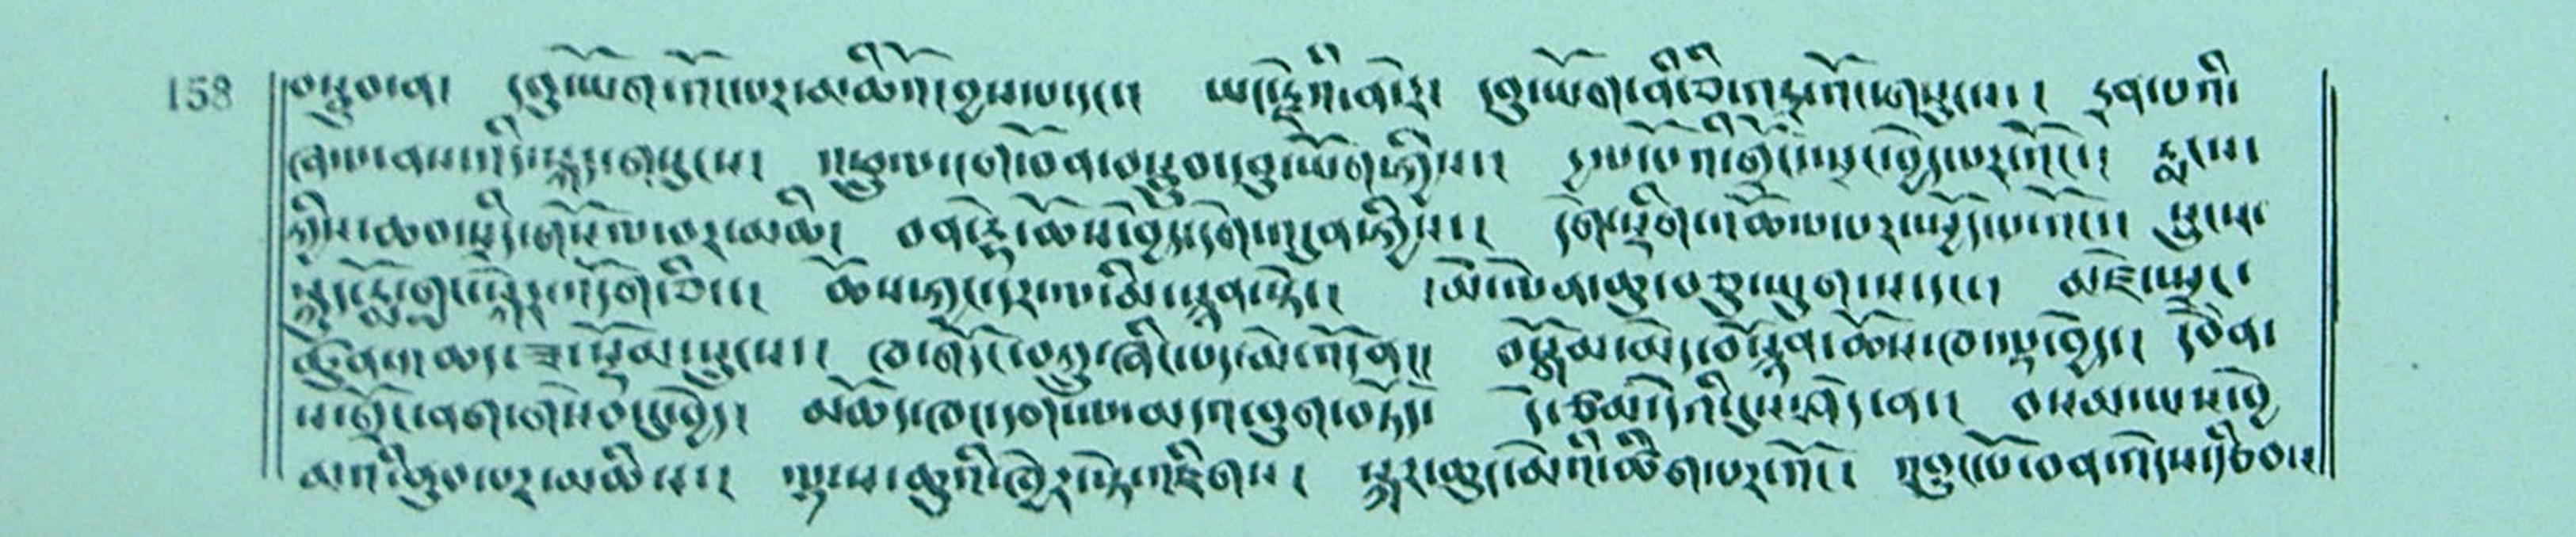བསྣུབ་ན། དབུ་ཡོག་འོང་བར་མཆིའོ་བྱས་པ་དང་། ཡང་རྗེའི་ཞལ་ན་རེ། དབུ་ཡོག་ནི་ཅི་འདྲ་འོ་གསུངས། དྲན་པའི་
ཞལ་ནས་འདི་སྐད་གསུངས། འཕྲུལ་ངག་བོན་བསྣུབ་དབུ་ཡོག་གིས། རྒྱལ་བོའི་གྲོང་སྤྲང་བྱེད་པར་འོང་། རྨངས་
ཀྱིས་ཆབ་སྲིད་གསོལ་བར་མཆི]། བན་དྷེ་ཆོས་བྱེད་དགེ་འདུན་གྱིས། དགེ་སྡིག་འཆོལ་བར་སྤྱོད་པ་འོང་། བསྲུངས་
སྐུད་རྨོ་གླང་སྐེར་འདོག་ཅིང་། ཆོས་ཀྱང་དར་ལ་མི་སྙན་ཏེ། མེ་ལེན་ཆུ་བཅུ་ཡུག་ས་དང་། མཛེ་སྤྲང་
ཚུན་ཆད་ཟ་སྡོམ་བསྲུངས། ཁ་གདོང་བཀྲུ་ཞིང་པད་མེ་འདོན། བསྒོམ་མེད་བསྙོན་ཆོས་ཁ་ལྟ་བྱེད། དབེན་
ས་གྲོང་ནག་གསེབ་ཏུ་བྱེད། མཆོད་ཁང་དག་ལ་མདའ་བུག་བཏོད། དེ་ཙམ་དེ་ཡི་དུས་ཤེད་ན། བསམ་ཡས་བྱེ་
མའི་ནུབ་པར་མཆིས། ལྷ་ས་ཆུ་ཡིས་ཁྱེར་ཏེ་འཇིགས། སྐར་ཅུང་མེ་ཡིས་ཚིག་པར་འོང་། འབྱུང་པོ་བན་དྷེ་རྩིབས་